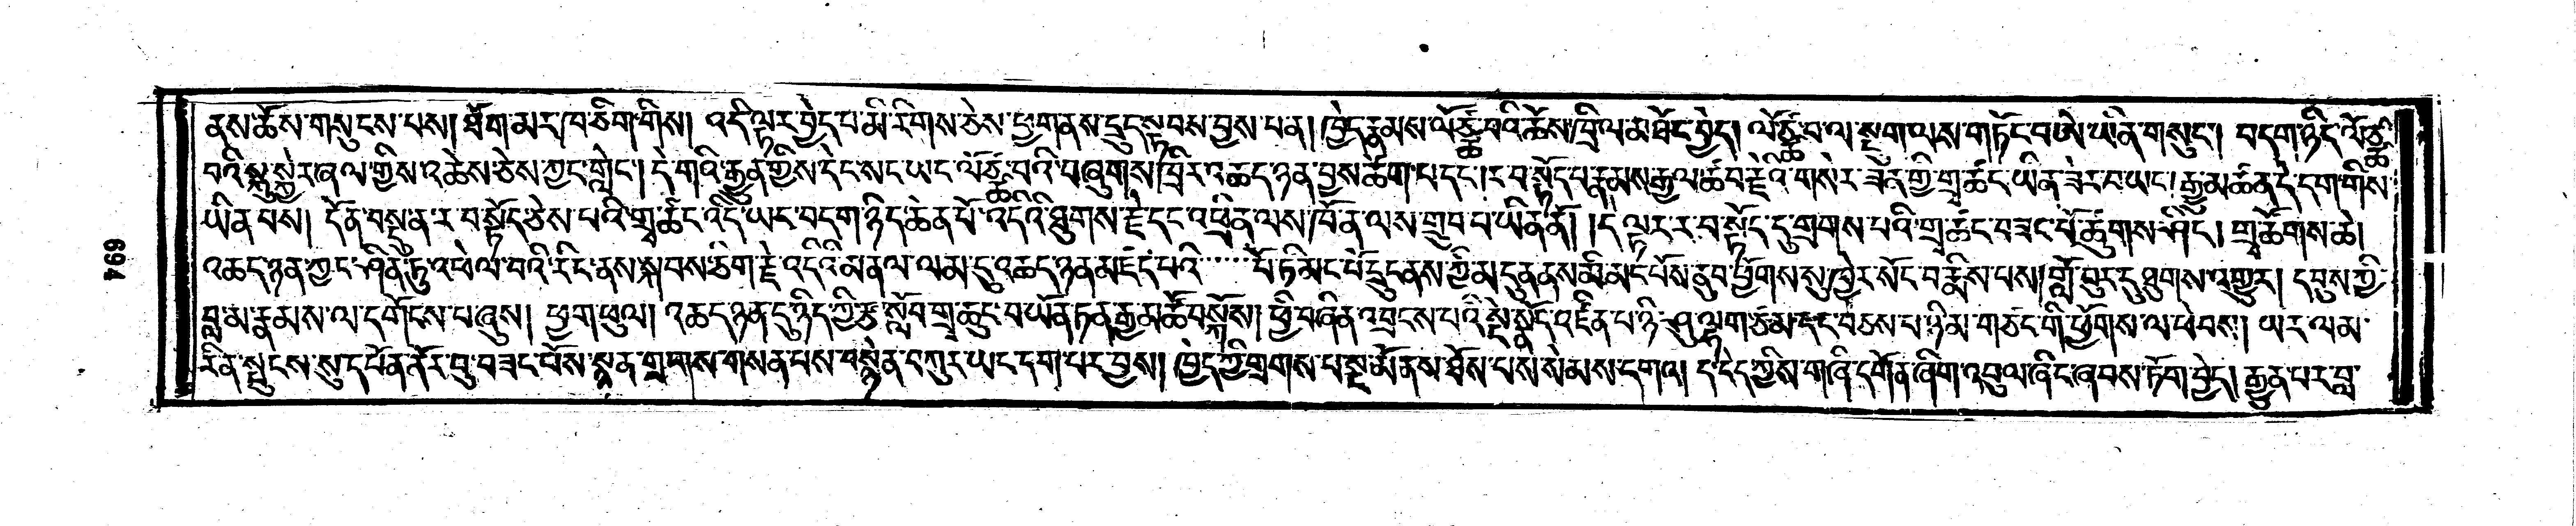ནས་ཆོས་གསུངས་པས། ཐོག་མར་ཁ་ཅིག་གིས། འདི་ལྟར་བྱེད་པ་མི་རིགས་ཅེས་ཕྱག་ནས་དྲུང་སྟབས་བྱས་པ་ན། ཁྱེད་རྣམས་ལོཙྪ་བའི་ཆོས་ཁྲི་ལ་མཐོང་བྱེད། ལོ་ཙྪ་བ་ལ་སྡུག་ལས་གཏོང་བ་ཨེ་ཡིན་གསུང་། བདག་ཉིད་ལོ་ཙྪ་
བའི་སྐུ་སྐྱེར་ཞལ་གྱིས་འཆེས་ཅེས་ཀྱང་གླེང་། དེ་གའི་རྒྱུན་གྱིས་དེང་སང་ཡང་ལོ་ཙྪ་བའི་བཞུགས་ཁྲིར་འཆད་ཉན་བྱས་ཆོག་པ་དང་། ར་བ་སྟོད་པ་རྣམས་རྒྱལ་ཚབ་རྗེའི་གསེར་ཟན་གྱི་གྲྭ་ཚང་ཡིན་ཟེར་བ་ཡང་། རྒྱུ་མཚན་དེ་དག་གིས་
ཡིན་པས། དོན་བསྡུ་ན་ར་བ་སྟོད་ཅེས་པའི་གྲྭ་ཚང་འདི་ཡང་བདག་ཉིད་ཆེན་པོ་འདིའི་ཐུགས་རྗེ་དང་འཕྲིན་ལས་ཁོ་ན་ལས་གྲུབ་པ་ཡིན་ནོ། །དེ་ལྟར་ར་བ་སྟོད་དུ་གྲགས་པའི་གྲྭ་ཚང་བཟང་པོ་ཚུགས་ཤིང་། གྲྭ་ཚོགས་ཆེ།
འཆད་ཉན་ཀྱང་ཤིན་ཏུ་འཕེལ་བའི་རིང་ནས་སྐབས་ཅིག་རྗེ་འདིའི་མནལ་ལམ་དུ་འཆད་ཉན་མཛད་པའི་པོ་ཏི་མང་པོ་དྲུང་ནས་ཀྱི་མདུན་ནས་མི་མང་པོས་ནུབ་ཕྱོགས་སུ་ཁྱེར་སོང་བ་རྨིས་པས་གློ་བུར་དུ་ཐུགས་འགྱུར། དབུས་ཀྱི་
བླ་མ་རྣམས་ལ་དགོངས་པ་ཞུས། ཕྱག་ཕུལ། འཆད་ཉན་དུ་ཉིད་ཀྱི་རྩ་སློབ་གྲྭ་ཆུང་བ་ཡོན་ཏན་རྒྱ་མཚོ་བསྐོས། ཕྱི་བཞིན་འབྲངས་བའི་སྡེ་སྣོད་འཛིན་པ་ཉི་ཤུ་ལྷག་ཙམ་དང་བཅས་པ་ཉི་མ་གཙང་གི་ཕྱོགས་ལ་ཕེབས། ཡར་ལམ་
རིན་སྤུངས་སུ་དཔོན་ནོར་བུ་བཟང་པོས་སྙན་གྲགས་གསན་པས་བསྙེན་བཀུར་ཡང་དག་པར་བྱས། ཁྱེད་ཀྱི་གྲགས་པ་སྔ་མོ་ནས་ཐོས་པས་སེམས་དགའ། ད་ངེད་ཀྱིས་གཞི་དགོན་ཞིག་འབུལ་ཞིང་ཞབས་ཏོག་བྱེད། རྒྱུན་པར་བླ་